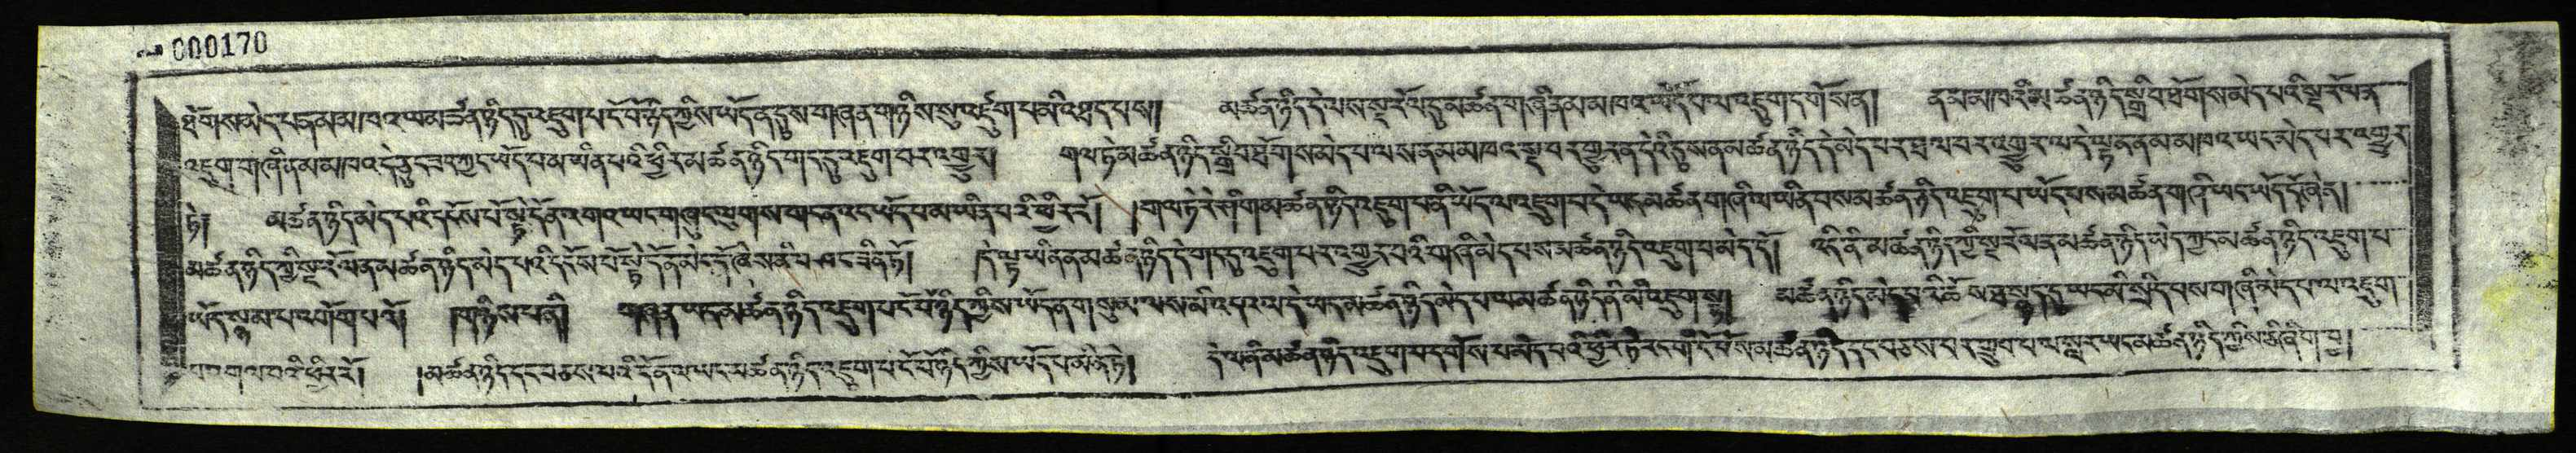ཐོགས་མེད་པ་ནམ་མཁའ་ལ་མཚན་ཉིད་དུ་འཇུག་པ་ངོ་བོ་ཉིད་ཀྱིས་ཡོད་ན་དུས་གཞན་གཉིས་སུ་འཛུག་པ་མི་འཐད་པས། མཚན་ཉིད་དེ་ལས་སྔ་རོལ་དུ་མཚན་གཞི་ནམ་མཁའ་ཡོད་པ་ལ་འཇུག་དགོས་ན། ནམ་མཁའི་མཚན་ཉིད་སྒྲིབ་ཐོགས་མེད་པའི་སྔ་རོལ་ན་
འཇུག་གཞི་ནམ་མཁའ་དེ་ཅུང་ཟད་ཀྱང་ཡོད་པ་མ་ཡིན་པའི་ཕྱིར་མཚན་ཉིད་གང་དུ་འཇུག་པར་འགྱུར། གལ་ཏེ་མཚན་ཉིད་སྒྲིབ་ཐོགས་མེད་པ་ལས་ནམ་མཁའ་སྔ་བར་གྱུར་ན་དེའི་དུས་ན་མཚན་ཉིད་དེ་མེད་པར་ཐལ་བར་འགྱུར་ལ་དེ་ལྟ་ན་ནམ་མཁའ་ཡང་མེད་པར་འགྱུར་
ཏེ༑ མཚན་ཉིད་མེད་པའི་དངོས་པོ་སྟེ་དོན་འགའ་ཡང་གཞུང་ལུགས་གང་ནའང་ཡོད་པ་མ་ཡིན་པའི་ཕྱིར་རོ། །གལ་ཏེ་རེ་ཤིག་མཚན་ཉིད་འཇུག་པ་ནི་ཡོད་ལ་འཇུག་པ་དེ་ཡང་མཚན་གཞི་ལ་ཡིན་པས་མཚན་ཉིད་འཇུག་པ་ཡོད་པས་མཚན་གཞི་ཡང་ཡོད་དོ་ཞེ་ན།
མཚན་ཉིད་ཀྱི་སྔ་རོལ་ན་མཚན་ཉིད་མེད་པའི་དངོས་པོ་སྟེ་དོན་མེད་དོ་ཞེས་ནི་བཤད་ཟིན་ཏོ། །དེ་ལྟ་ཡིན་ན་མཚན་ཉིད་དེ་གང་དུ་འཇུག་པར་འགྱུར་པའི་གཞི་མེད་པས་མཚན་ཉིད་འཇུག་པ་མེད་དོ། འདི་ནི་མཚན་ཉིད་ཀྱི་སྔ་རོལ་ན་མཚན་ཉིད་མེད་ཀྱང་མཚན་ཉིད་འཇུག་པ་
ཡོད་སྙམ་པ་འགོག་པའོ། །གཉིས་པ་ནི། གཞན་ཡང་མཚན་ཉིད་འཇུག་པ་ངོ་བོ་ཉིད་ཀྱིས་ཡོད་ན་གསུམ་ལས་མི་འདའ་ལ་དེ་ཡང་མཚན་ཉིད་མེད་པ་ལ་མཚན་ཉིད་ནི་མི་འཇུག་སྟ། མཚན་ཉིད་མེད་པའི་ཆོས་ཐ་སྙད་དུ་ཡང་མི་སྲིད་པས་གཞི་མེད་པ་ལ་འཇུག་
པ་འགལ་བའི་ཕྱིར་རོ། །མཚན་ཉིད་དང་བཅས་པའི་དོན་ལ་ཡང་མཚན་ཉིད་འཇུག་པ་ངོ་བོ་ཉིད་ཀྱིས་ཡོད་པ་མིན་ཏེ། དེ་ལ་ནི་མཚན་ཉིད་འཇུག་པ་དགོས་པ་མེད་པའི་ཕྱིར་ཏེ་རང་གི་ངོ་བོས་མཚན་ཉིད་དང་བཅས་པར་གྲུབ་པ་ལ་སླར་ཡང་མཚན་ཉིད་ཀྱིས་ཅི་ཞིག་བྱ།